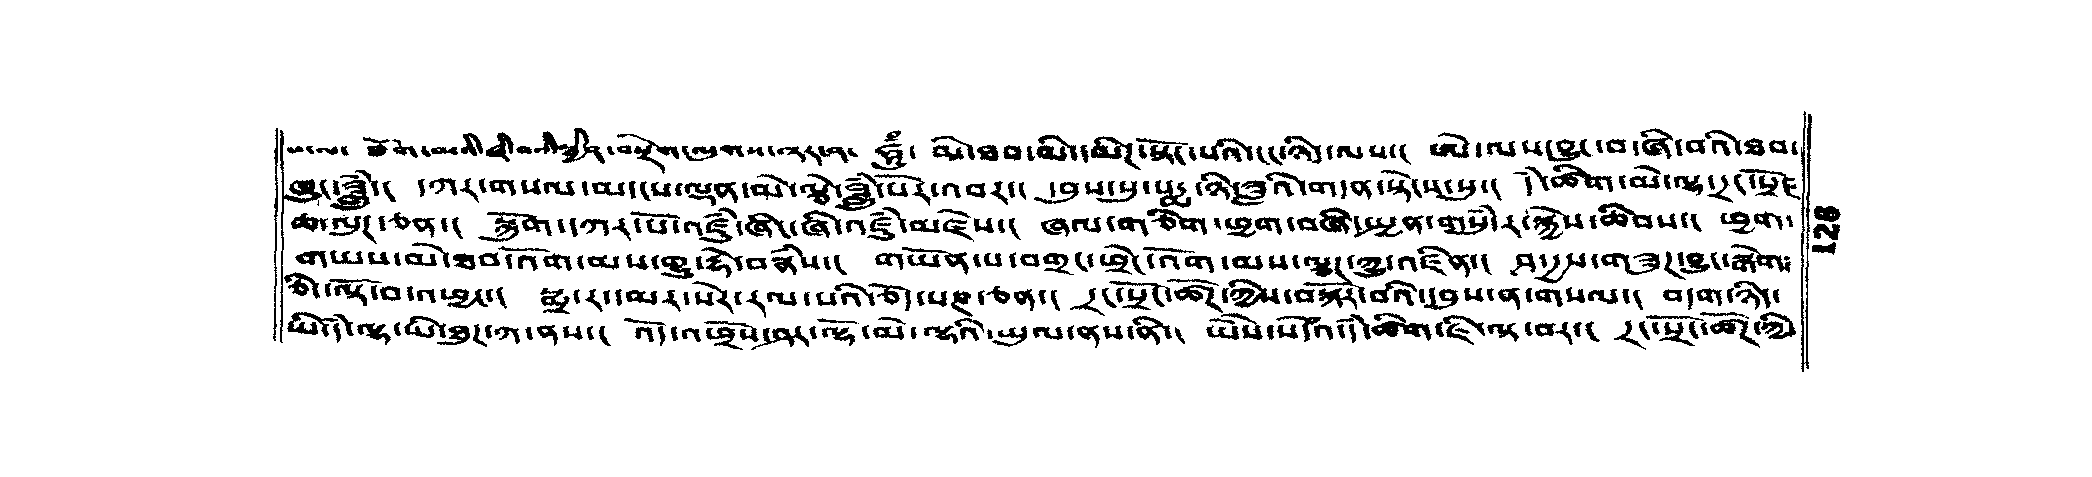པ་ལ། ཐོག་མའི་ཞི་བའི་སྦྱིན་བསྲེག་ལུགས་ལྟར་ན། ཧཱུྃ། མེ་ཐབ་མི་དམིགས་སྟོང་པའི་ངང་ཉིད་ལས། །ཨེ་ལས་བྱུང་བ་ཞི་བའི་ཐབ་
ཁུང་ཟླུམ། ། དཀར་གསལ་མདངས་ལྡན་མེ་ལྕེ་ཟླུམ་པོར་འབར། །དབུས་སུ་པདྨ་ཉི་ཟླའི་གདན་སྟེང་དུ། །དམ་ཚིག་མེ་ལྷ་དྲང་སྲོང་
ཆ་ལུགས་ཅན། །སྐུ་མདོག་དཀར་པོ་འཛུམ་ཞིང་ཞི་འཛུམ་མཛེས། །ཞལ་གཅིག་ཕྱག་བཞི་སྤྱན་གསུམ་ར་སྐྱེས་ཆིབས། །ཕྱག་
གཡས་མེ་ཐབ་འོག་མས་གྷུ་རྡེ་བསྣམས། །གཡོན་པ་བགྲང་ཕྲེང་འོག་མས་ལྕགས་ཀྱུ་འཛིན། །ཤ་རྒྱས་གཟུགས་བྱུང་སྒེག་
ཅིང་ལྟོ་བ་འཕྱང་། །སྨྲ་ར་དམར་སེར་རལ་པའི་ཅོད་པཎ་ཅན། །དྲང་སྲོང་ཚོགས་ཀྱིས་བསྐོར་བའི་དབུས་ན་གསལ། །བདག་ཉིད་
ཡི་དམ་ལྷ་ཡི་ཐུགས་ཀ་ནས། །འོད་འཕྲོས་ཤར་ལྷོ་མེ་ལྷའི་ཡུལ་ནས་ནི། །ཡེ་ཤེས་སེམས་དཔའི་དམ་ཚིག་ཇི་ལྟ་བར། །དྲང་སྲོང་ཚོགས་ཀྱི་